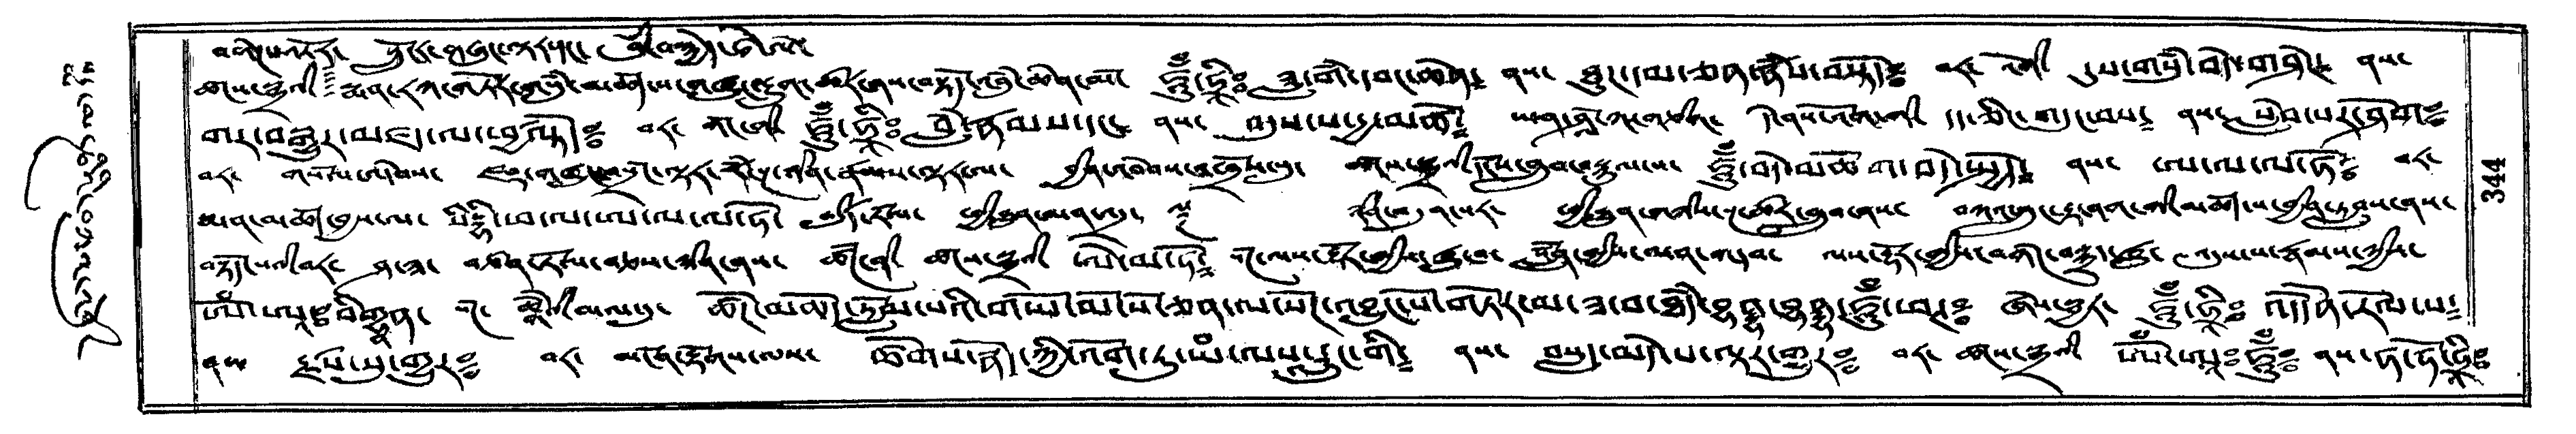ཚངས་སྒྲའི་སྨན་རཀ་གཏོར་གསུམ་མཆོད་པ་གཞུང་རྒྱུག་ཚར་ནས་བསྟོད་འབུམ་ཆེན་མོའི། ཧཱུྃ་ཧྲཱིཿ ཟླ་གམ་དབང་ཆེན༴ ནས། ཐུགས་དམ་ཅན་རྣམས་བསྟོད༔བར། འོག་གི དུས་གསུམ་བདེ་གཤེགས༴ ནས། 
གར་བསྒྱུར་མཛད་ལ་ཕྱག་འཚལ་བསྟོད༔ བར། གོང་ག ི ཧཱུྃ་ཧྲཱིཿ བླ་མ་རྣམས་དང༴ ནས། འདུས་པ་རྒྱ་མཚོ༴ ཡན་ཤླཽ་ཀ་གཅིག དེ་ནས་འོག་གི དད་ཅིང་གདུང་བས༴ ནས། སློབ་པར་ཤོག༔ 
བར། གསོལ་འདེབས། ཛཔྲ་གཞུང་སྲོང་ལྟར་རམ་སྔ་ཉིན་རྣམས་ལྟར་ལ། བྱིན་འབེབས་འཕྲོས་སུ། ཚངས་སྒྲའི་དངོས་གྲུབ་སྐུལ་པ། ཧཱུྃ༔བདེ་མཆོག་བདེ་སྤྱོད༴ ནས། ཨ་ལ་ལ་ཧོ༔ བར། 
སྨན་མཆོད་བྱས་ལ། སིདྡྷི་ཕ་ལ་ཨ་ལ་ལ་ཧོ༔ བདུད་རྩིར་རོལ། ཕྱི་ཐུན་མན་འདྲ། ཉིན་བདུན་པར། ཕྱི་ཐུན་གཉིས་སྔ་ཆར་གྲུབ་ནས། བཀའ་སྲུང་རྟ་ནག་གི་མཆོད་པ་བྱིན་རླབས་ནས་
བསྟོད་པའི་བར། ཤ་ཟ། བཙན་རོལ་བཅས་ཟིན་ནས། ཚོགས་ནི། ཚངས་སྒྲའི། ཨེ་མ་ཧོ༴ སོགས་ལས་རྡོར་ཀྱིས་ཞུ་བ་ལ་སློབ་དཔོན་གྱིས་ལན་གདབ། ལས་རྡོར་གྱིས་བགེགས་བསྐྲད་ཞུ། འདུས་པ་རྣམས་ཀྱིས། 
ཨོཾ་ཨཱཿབིགྷྣན༴ སོགས། ཆེ་གེའི་མལ་དུ། ཚོགས་མཆོད་རློམ་པའི་གཡོ་མོ་སོ་ཅན་ལ་སོགས་འབྱུང་པོ་གཏོར་མ་ཟ་བ་ཐམས་ཅད་བྷནྡྷ་བྷནྡྷ་ཧཱུྃ་ཕཊ༔ ཞེས་སྦྱར། ཧཱུྃ་ཧྲཱིཿ འདོད་ཡོན་རོལ་པ༴ 
ནས། རྫས་སུ་གྱུར་༔ བར། མངོན་རྟོགས་ལས། ཚོགས་སྣོད་ཀྱི་འོག་ཏུ་ཡཾ་ལས་རླུང་གི༴ ནས། བསླད་མེད་པ་ལྟར་གྱུར༔ བར། ཚངས་སྒྲའི། ཨོཾ་ཨཱཿཧཱུྃ༔ ནས། ཧ་ཧོ་ཧྲཱིཿ